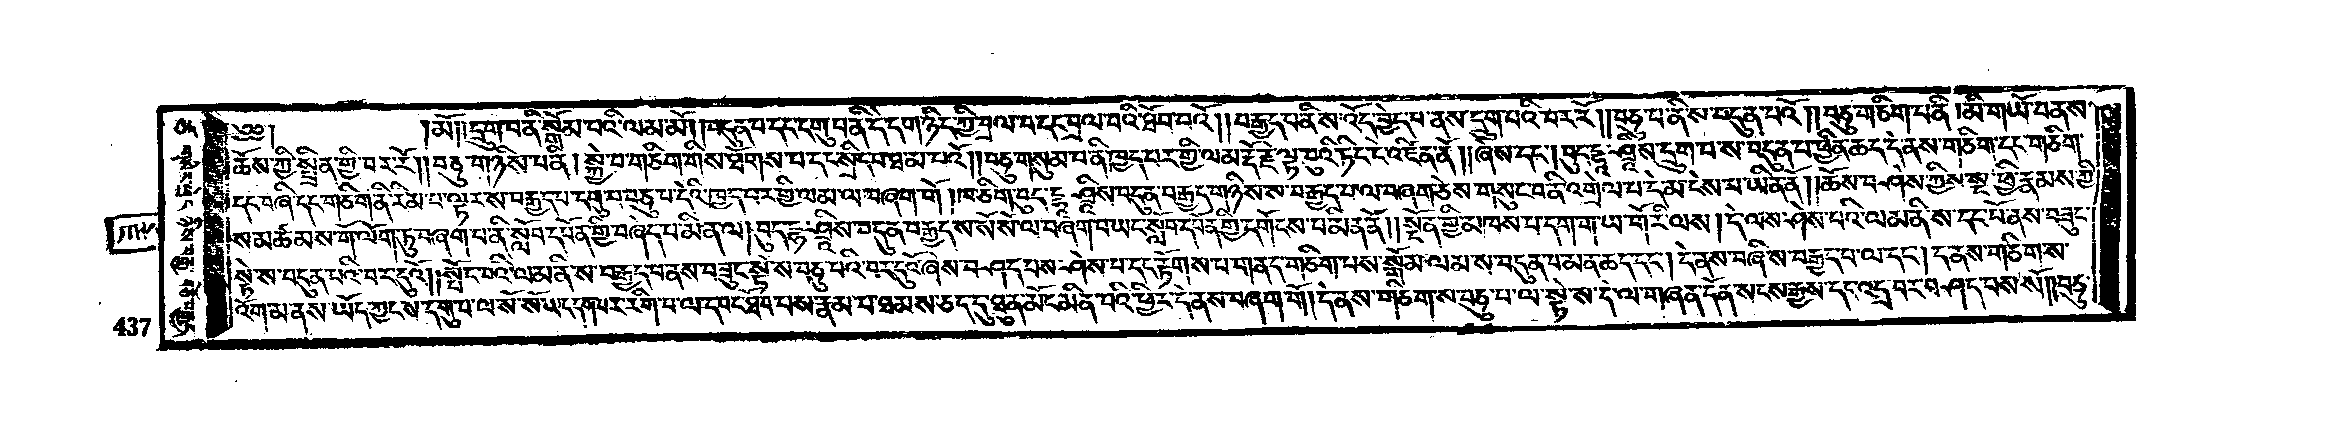༄༅། །མོ། །དྲུག་པ་ནི་སྒོམ་པའི་ལམ་མོ། །བདུན་པ་དང་དགུ་པ་ནི་དེ་དག་ཉིད་ཀྱི་བྲལ་བ་དང་བྲལ་བའི་ཐོབ་པའོ། །བརྒྱད་པ་ནི་ས་འོད་བྱེད་པ་ནས་དྲུག་པའི་བར་རོ། །བཅུ་པ་ནི་ས་བདུན་པའོ། །བཅུ་གཅིག་པ་ནི། མི་གཡོ་བ་ནས་
ཆོས་ཀྱི་སྤྲིན་གྱི་བར་རོ། །བཅུ་གཉིས་པ་ནི། སྐྱེ་བ་གཅིག་གིས་ཐོགས་པ་དང་སྲིད་པ་ཐ་མ་པའོ། །བཅུ་གསུམ་པ་ནི་ཁྱད་པར་གྱི་ལམ་རྡོ་རྗེ་ལྟ་བུའི་ཏིང་ངེ་འཛིན་ནོ། །ཞེས་དང་། བུད་དྷཱ་ཤྲཱིས་དྲུག་པ་ས་བདུན་པ་ཕྱིན་ཆད་དེ་ནས་གཅིག་དང་གཅིག་
དང་བཞི་དང་གཅིག་ནི་རིམ་པ་ལྟར་ས་བརྒྱད་པ་དགུ་པ་བཅུ་པ་དེའི་ཁྱད་པར་གྱི་ལམ་ལ་བཞག་གོ །ཁ་ཅིག་བུད་དྷཱ་ཤྲཱིས་བདུན་བརྒྱད་གཉིས་ས་བརྒྱད་པ་ལ་བཞག་ཅེས་གསུང་བ་ནི་འགྲེལ་པ་དེ་མ་ངེས་པ་ཡིན་ནོ། །ཆོས་བཤེས་ཀྱིས་སྔ་ཕྱི་རྣམས་ཀྱི་
ས་མཚམས་གོ་ལོག་ཏུ་བཞག་པ་ནི་སློབ་དཔོན་གྱི་བཞེད་པ་མིན་ལ། བུད་དྷ་ཤྲཱིས་བདུན་བརྒྱད་ས་སོ་སོ་ལ་བཞག་པ་ཡང་སློབ་དཔོན་གྱི་དགོངས་པ་མིན་ནོ། །སྔོན་གྱི་མཁས་པ་དག་ག་ཡ་གོ་རི་ལས། དེ་ལས་ཤེས་པའི་ལམ་ནི་ས་དང་པོ་ནས་བཟུང་
སྟེ་ས་བདུན་པའི་བར་དུའོ། །སྤོང་བའི་ལམ་ནི་ས་བརྒྱད་པ་ནས་བཟུང་སྟེ་ས་བཅུ་པའི་བར་དུའོ་ཞེས་བཤད་པས་ཤེས་པ་དང་རྟོགས་པ་གནད་གཅིག་པས་སྒོམ་ལམ་ས་བདུན་པ་མན་ཆད་དང་། དེ་ནས་བཞི་ས་བརྒྱད་པ་ལ་དང་། དེ་ནས་གཅིག་ས་
འོག་མ་ནས་ཡོད་ཀྱང་ས་དགུ་པ་ལ་སོ་སོ་ཡང་དག་པར་རིག་པ་ལ་དབང་ཐོབ་པས་རྣམ་པ་ཐམས་ཅད་དུ་ཐུན་མོང་མིན་པའི་ཕྱིར་དེ་ནས་བཞག་གོ །དེ་ནས་གཅིག་ས་བཅུ་པ་ལ་སྟེ་ས་དེ་ལ་གཞན་དོན་སངས་རྒྱས་དང་འདྲ་བར་བཤད་པས་སོ། །བཅུ་